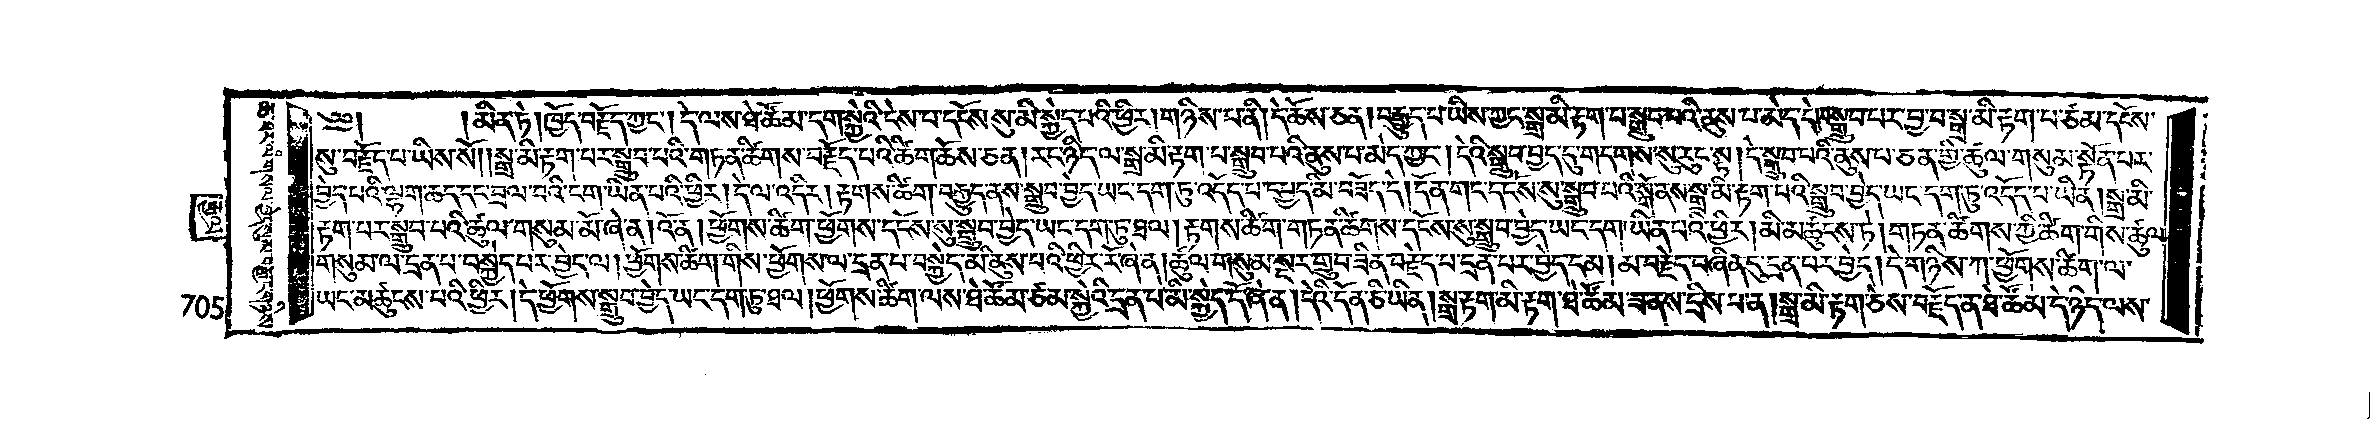༄༅། །མིན་ཏེ། ཁྱོད་བརྗོད་ཀྱང་། དེ་ལས་ཐེ་ཚོམ་དག་སྐྱེའི་ངེས་པ་དངོས་སུ་མི་སྐྱེད་པའི་ཕྱིར། གཉིས་པ་ནི། དེ་ཆོས་ཅན། བརྒྱུད་པ་ཡིས་ཀྱང་སྒྲ་མི་རྟག་པ་སྒྲུབ་པའི་ནུས་པ་མེད་དེ། བསྒྲུབ་པར་བྱ་བ་སྒྲ་མི་རྟག་པ་ཙམ་དངོས་
སུ་བརྗོད་པ་ཡིས་སོ། །སྒྲ་མི་རྟག་པར་སྒྲུབ་པའི་གཏན་ཚིགས་བརྗོད་པའི་ཚིག་ཆོས་ཅན། རང་ཉིད་ལ་སྒྲ་མི་རྟག་པ་སྒྲུབ་པའི་ནུས་པ་མེད་ཀྱང་། དེའི་སྒྲུབ་བྱེད་དུ་གདགས་སུ་རུང་སྟེ། དེ་སྒྲུབ་པའི་ནུས་པ་ཅན་གྱི་ཚུལ་གསུམ་སྟོན་པར་
བྱེད་པའི་ལྷག་ཆད་དང་བྲལ་བའི་ངག་ཡིན་པའི་ཕྱིར། དེ་ལ་འདིར། རྟགས་ཚིག་བརྒྱུད་ནས་སྒྲུབ་བྱེད་ཡང་དག་ཏུ་འདོད་པ་དཔྱད་མི་བཟོད་དེ། དོན་གང་དངོས་སུ་སྒྲུབ་པའི་སྒོ་ནས་སྒྲ་མི་རྟག་པའི་སྒྲུབ་བྱེད་ཡང་དག་ཏུ་འདོད་པ་ཡིན། སྒྲ་མི་
རྟག་པར་སྒྲུབ་པའི་ཚུལ་གསུམ་མོ་ཞེ་ན། འོ་ན། ཕྱོགས་ཚིག་ཕྱོགས་དངོས་སུ་སྒྲུབ་བྱེད་ཡང་དག་ཏུ་ཐལ། རྟགས་ཚིག་གཏན་ཚིགས་དངོས་སུ་སྒྲུབ་བྱེད་ཡང་དག་ཡིན་པའི་ཕྱིར། མི་མཚུངས་ཏེ། གཏན་ཚིགས་ཀྱི་ཚིག་གིས་ཚུལ་
གསུམ་ལ་དྲན་པ་བསྐྱེད་པར་བྱེད་ལ། ཕྱོགས་ཚིག་གིས་ཕྱོགས་ལ་དྲན་པ་བསྐྱེད་མི་ནུས་པའི་ཕྱིར་རོ་ཞེ་ན། ཚུལ་གསུམ་སྔར་གྲུབ་ཟིན་བརྗེད་པ་དྲན་པར་བྱེད་དམ། མ་བརྗེད་བཞིན་དུ་དྲན་པར་བྱེད། དེ་གཉིས་ཀ་ཕྱོགས་ཚིག་ལ་
ཡང་མཚུངས་པའི་ཕྱིར། དེ་ཕྱོགས་སྒྲུབ་བྱེད་ཡང་དག་ཏུ་ཐལ། ཕྱོགས་ཚིག་ལས་ཐེ་ཚོམ་ཙམ་སྐྱེའི་དྲན་པ་མི་སྐྱེད་དོ་ཞེ་ན། དེའི་དོན་ཅི་ཡིན། སྒྲ་རྟག་མི་རྟག་ཐེ་ཚོམ་ཟ་ནས་དྲིས་པ་ན། སྒྲ་མི་རྟག་ཅེས་བརྗོད་ན་ཐེ་ཚོམ་དེ་ཉིད་ལས་